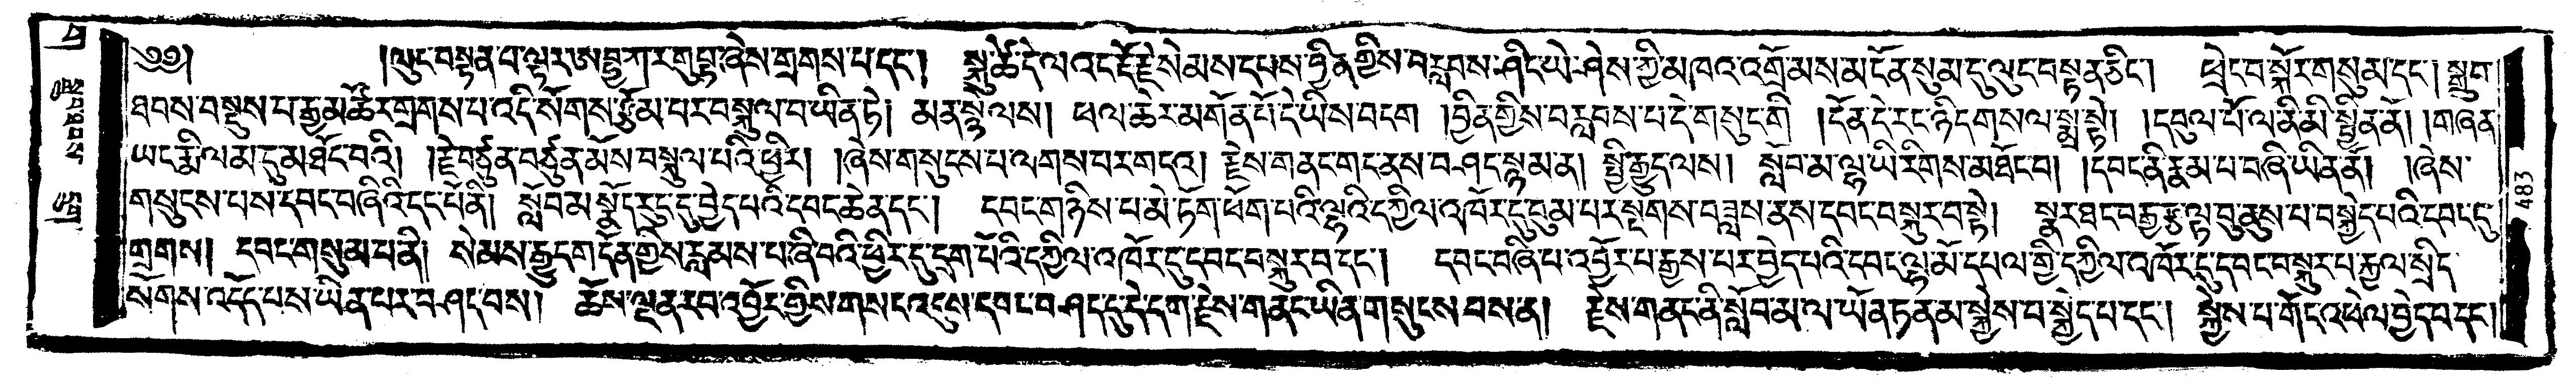༄༅། །ལུང་བསྟན་པ་ལྟར་ཨ་བྷྱ་ཀ་ར་གུཔྟ་ཞེས་གྲགས་པ་དང་། སྐུ་ཚེ་དེ་ལའང་རྡོ་རྗེ་སེམས་དཔས་བྱིན་གྱིས་བརླབས་ཤིང་ཡེ་ཤེས་ཀྱི་མཁའ་འགྲོ་མས་མངོན་སུམ་དུ་ལུང་བསྟན་ཅིང་། ཕྲེང་བ་སྐོར་གསུམ་དང་། སྒྲུབ་
ཐབས་བསྡུས་པ་རྒྱ་མཚོར་གྲགས་པ་འདི་སོགས་རྩོམ་པར་བསྐུལ་བ་ཡིན་ཏེ། མན་སྙེ་ལས། ཕལ་ཆེར་མགོན་པོ་དེ་ཡིས་བདག །བྱིན་གྱིས་བརླབས་པ་དེ་གསུང་གི །དོན་དེ་རང་ཉིད་གསལ་སྨྲ་སྟེ། །དབུལ་པོ་ལ་ནི་མི་སྦྱིན་ནོ། །གཞན་
ཡང་རྨི་ལམ་དུ་མཐོང་བའི། །རྗེ་བཙུན་བཙུན་མོས་བསྐུལ་པའི་ཕྱིར། །ཞེས་གསུངས་པ་ལགས་པར་གདའ། རྗེས་གནང་གང་ནས་བཤད་སྙམ་ན། སྤྱི་རྒྱུད་ལས། སློབ་མ་ལྷ་ཡི་རིགས་མཐོང་བ། །དབང་ནི་རྣམ་པ་བཞི་ཡིན་ནོ། །ཞེས་
གསུངས་པས་དབང་བཞིའི་དང་པོ་ནི། སློབ་མ་སྣོད་རུང་དུ་བྱེད་པའི་དབང་ཆེན་དང་། དབང་གཉིས་པ་མེ་ཏོག་ཕོག་པའི་ལྷའི་དཀྱིལ་འཁོར་དུ་བུམ་པར་སྔགས་བཟླས་ནས་དབང་བསྐུར་བ་སྟེ། སྣར་ཐང་བརྒྱ་རྩ་ལྟ་བུ་ནུས་པ་བསྐྱེད་པའི་དབང་དུ་
གྲགས། དབང་གསུམ་པ་ནི། སེམས་རྒྱུད་གདོན་གྱིས་རླམས་པ་ཞི་བའི་ཕྱིར་དུ་དྲག་པོའི་དཀྱིལ་འཁོར་དུ་དབང་བསྐུར་བ་དང་། དབང་བཞི་པ་འབྱོར་པ་རྒྱས་པར་བྱེད་པའི་དབང་ལྷ་མོ་དཔལ་གྱི་དཀྱིལ་འཁོར་དུ་དབང་བསྐུར་པ་རྐྱལ་སྲིད་
སོགས་འདོད་པས་ཡིན་པར་བཤད་བས། ཆོས་ལྡན་རབ་འབྱོར་གྱིས་གསང་འདུས་དབང་བཤད་དུ་དེ་དག་རྗེས་གནང་ཡིན་གསུངས་བས་ན། རྗེས་གནང་ནི་སློབ་མ་ལ་ཡོན་ཏན་མ་སྐྱེས་བ་སྐྱེད་པ་དང་། སྐྱེས་པ་གོང་འཕེལ་བྱེད་བ་དང་།